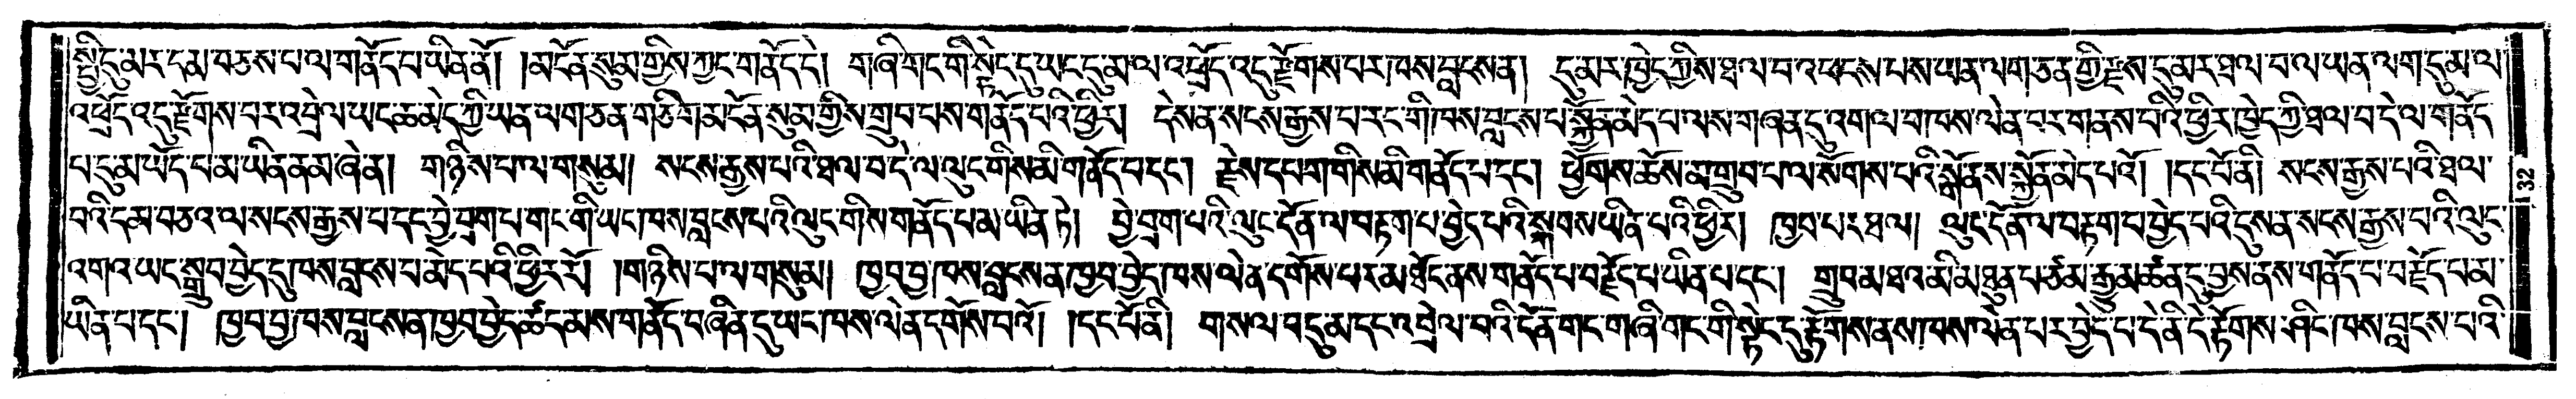སྤྱི་དུ་མར་དམ་བཅས་པ་ལ་གནོད་པ་ཡིན་ནོ། །མངོན་སུམ་གྱིས་ཀྱང་གནོད་དེ། གཞི་གང་གི་སྟེང་དུ་ཡང་དུ་མ་ལ་འཕྲོད་འདུ་རྫོགས་པར་ཁས་བླངས་ན། དུ་མར་ཁྱེད་ཀྱིས་ཐལ་བ་འཕངས་པས་ཡན་ལག་གྱི་རྫས་དུ་མར་ཐལ་བ་ལ་ཡན་ལག་དུ་མ་ལ་
འཕྲོད་འདུ་རྫོགས་པར་འབྲེལ་ཡང་ཆ་མེད་ཀྱི་ཡན་ལག་ཅན་གཅིག་མངོན་སུམ་གྱིས་གྲུབ་པས་གནོད་པའི་ཕྱིར། དེས་ནས་སངས་རྒྱས་པ་རང་གི་ཁས་བླངས་པ་སྐྱོན་མེད་པ་ལས་ཞན་དུ་འགལ་བ་ཁས་ལེན་པར་གནས་པའི་ཕྱིར་ཁྱེད་ཀྱི་ཐལ་བ་དེ་ལ་གནོད་
པ་དུ་མ་ཡོད་པ་མ་ཡིན་ནམ་ཞེ་ན། གཉིས་པ་ལ་གསུམ། སངས་རྒྱས་པའི་ཐལ་བ་དེ་ལ་ལུང་གིས་མི་གནོད་པ་དང་། རྗེས་དཔག་གིས་མི་གནོད་པ་དང་། ཕྱོགས་ཆོས་མ་གྲུབ་པ་ལ་སོགས་པའི་སྒོ་ནས་སྐྱོན་མེད་པའོ། །དང་པོ་ནི། སངས་རྒྱས་པའི་ཐལ་
བའི་དམ་བཅའ་ལ་སངས་རྒྱས་བ་དང་བྱེ་བྲག་པ་གང་གི་ཡང་ཁས་བླངས་པའི་ལུང་གིས་གནོད་པ་མ་ཡིན་ཏེ། བྱེ་བྲག་པའི་ལུང་དོན་ལ་བརྟག་པ་བྱེད་པའི་སྐབས་ཡིན་པའི་ཕྱིར། ཁྱབ་པར་ཐལ། ལུང་དོན་ལ་བརྟག་པ་བྱེད་པའི་དུས་ན་སངས་རྒྱས་པའི་ལུང་
འགའ་ཡང་སྒྲུབ་བྱེད་དུ་ཁས་བླངས་པ་མེད་པའི་ཕྱིར་རོ། །གཉིས་པ་ལ་གསུམ། ཁྱབ་བྱ་ཁས་བླངས་ན་ཁྱབ་བྱེད་ཁས་ལེན་དགོས་པར་མཐོང་ནས་གནོད་པ་བརྗོད་པ་ཡིན་པ་དང་། གྲུབ་མཐའ་མི་མཐུན་པ་ཙམ་རྒྱུ་མཚན་དུ་བྱས་ནས་གནོད་པ་བརྗོད་པ་མ་
ཡིན་པ་དང་། ཁྱབ་བྱ་ཁས་བླངས་ན་ཁྱབ་བྱེད་ཚད་མས་གནོད་བཞིན་དུ་ཡང་ཁས་ལེན་དགོས་པའོ། །དང་པོ་ནི། གསལ་བདུ་མ་དང་འབྲེལ་བའི་དོན་གང་གཞི་གང་གི་སྟེང་དུ་རྟོགས་ནས་ཁས་ལེན་པར་བྱེད་པ་དེ་ནི་དེ་རྟོགས་ཤིང་ཁས་བླངས་པའི་